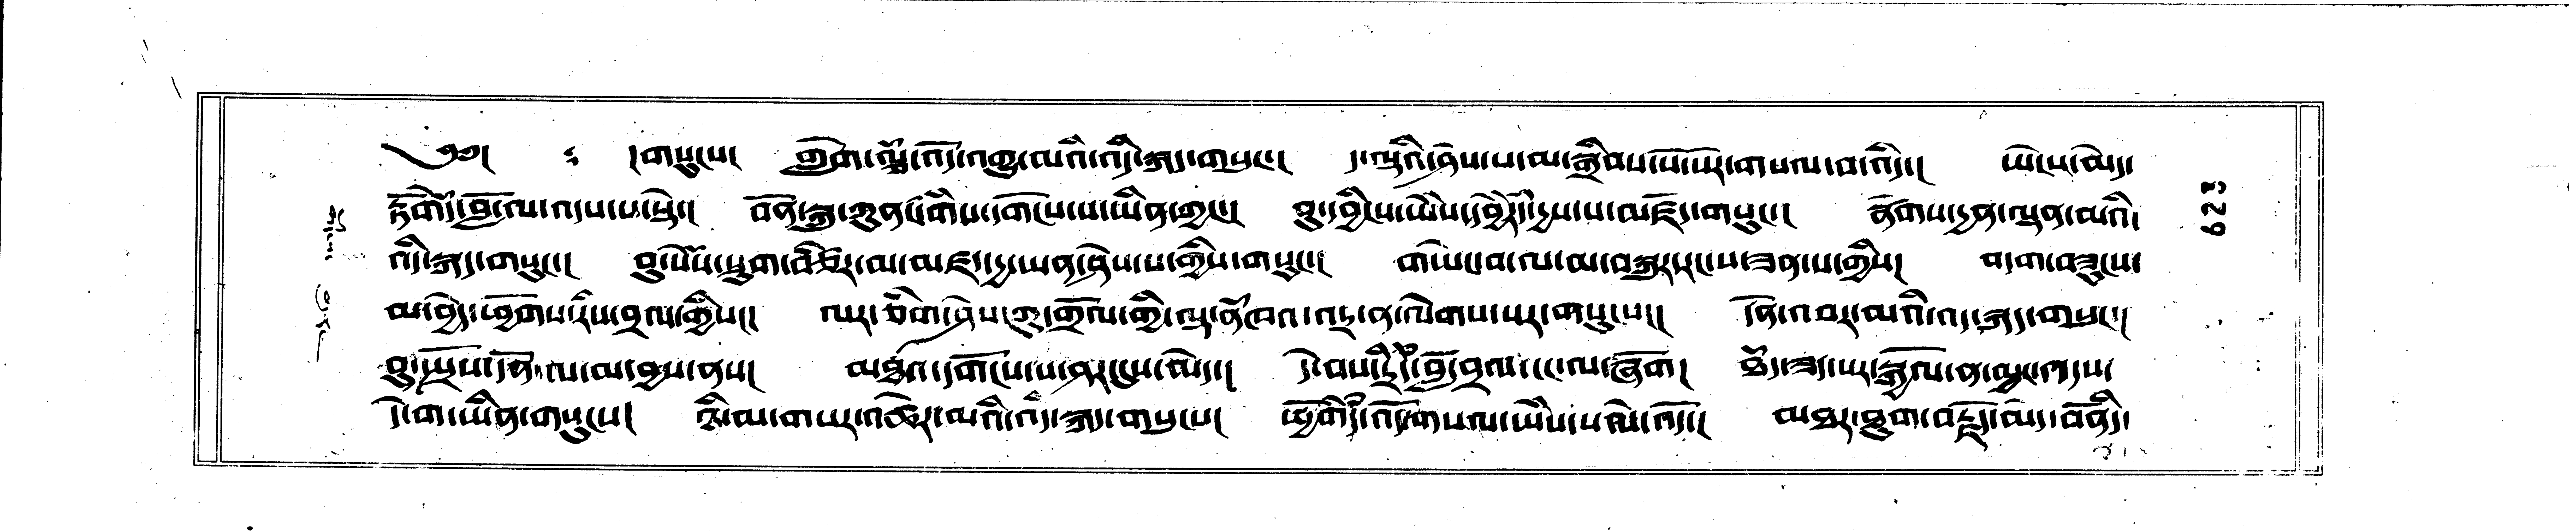གསུངས། ཀློག་༼གློག༽ལྕམ་འོད་འགྱུ་མས་འདི་སྐད་གསུངས། ད་ལྟའི་ཤས་པ་མ་སྒྲིབ་སོ་སོར་གསལ་བ་ནི། ཡེང་མེད་
རྟོག་མེད་བློ་ལ་འདས་པ་འདི། བོན་སྐུ་ཀུན་བཟང་གི་དགོངས་པ་ཡིན་གྱིས། བུ་དབྱིངས་དང་ཡེ་ཤེས་གཉིས་མེད་རྒྱས་པར་མཛོད་གསུངས། སྣ་ཚོགས་རྒྱན་ལྡན་མས་
འདི་སྐད་གསུངས། བུ་སེམས་སྡུག་ཙིར་མ་བྱེད་རྒྱ་ཡན་ཤེས་པར་གྱིས། གཡེང་བ་མ་བསྐུར་རང་ས་ཟིན་པར་གྱིས། བདག་བཟང་
མ་བྱེད་ཕྱོགས་རིས་བྲལ་བར་གྱིས། ལར་གཅིག་ཤེས་ཀུན་གྲོལ་གྱི་ལྟ་བ་ནམ་མཁའ་འདྲ་ན་ལེགས་གསུངས། དོན་འབར་མས་འདི་སྐད་གསུངས། 
བུ་སྤྲོས་བྲལ་གྱི་དོན་ལ་མ་གནས་ན། མཐའ་བྲལ་གྱི་དགོངས་པ་ཤར་དུས་མེད། དེ་བས་དྲི་མེད་བློ་བྲལ་ངང་དུ་ཞོགས། ཐམས་ཅད་ཟད་སར་སྐྱོལ་ན་མྱང་འདས་
དེ་ཀ་ཡིན་གསུངས། ཉི་འོད་གསལ་འཚེར་མས་འདི་སྐད་གསུངས། ཕྱོགས་མེད་འོད་གསལ་ཡེ་ཤེས་སལེ་འོད། མཐར་ཐུག་བརྗོད་མེད་བོན་ཉིད་